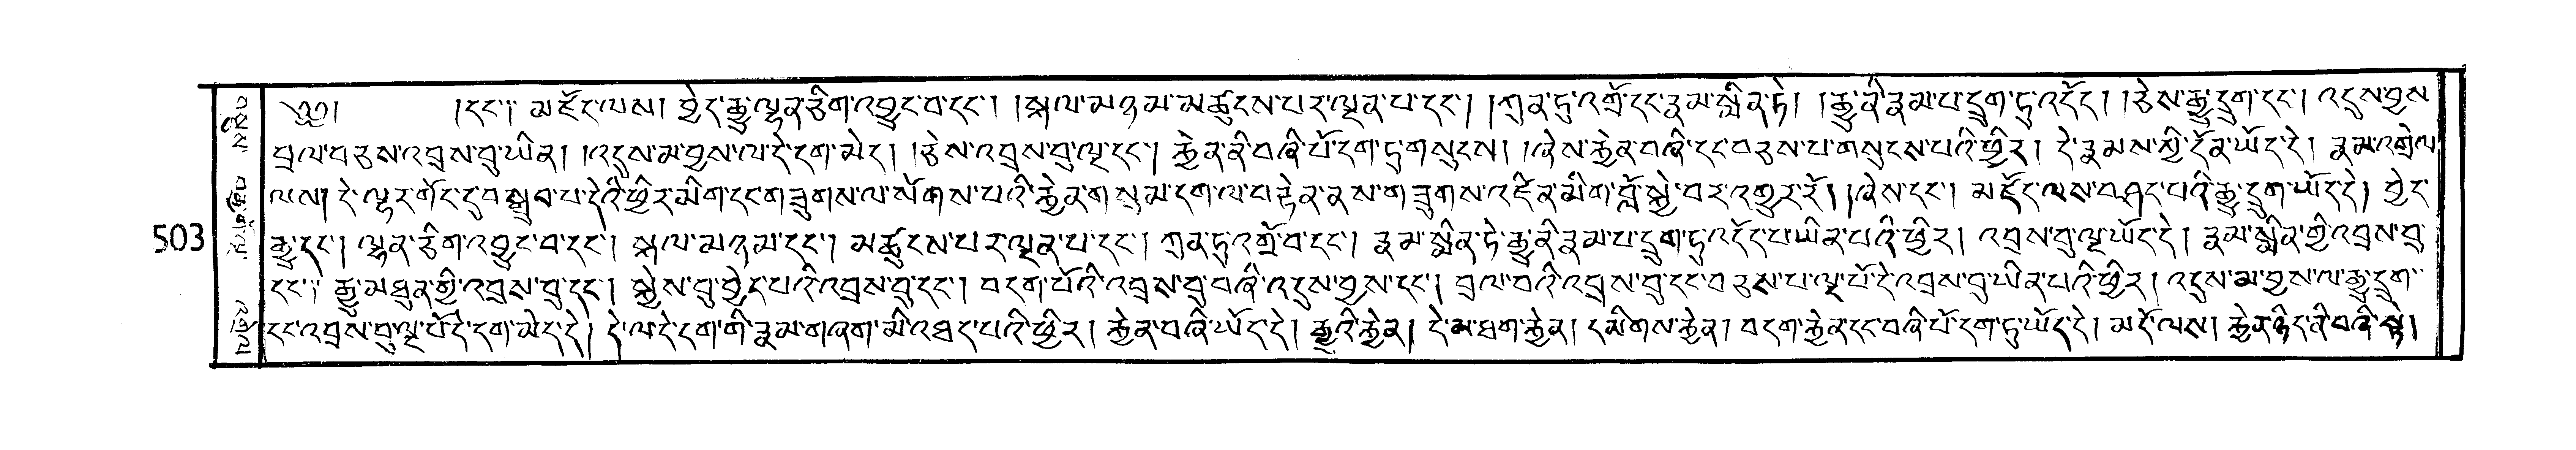༄༅། །དང༑ མཛོད་ལས། བྱེད་རྒྱུ་ལྷན་ཅིག་འབྱུང་བ་དང་། །སྐལ་མཉམ་མཚུངས་པར་ལྡན་པ་དང་། །ཀུན་ཏུ་འགྲོ་དང་རྣམ་སྨིན་ཏེ། །རྒྱུ་ནི་རྣམ་པ་དྲུག་ཏུ་འདོད། །ཅེས་རྒྱུ་དྲུག་དང་། འདུས་བྱས་
བྲལ་བཅས་འབྲས་བུ་ཡིན། །འདུས་མ་བྱས་ལ་དེ་དག་མེད། །ཅེས་འབྲས་བུ་ལྔ་དང་། རྐྱེན་ནི་བཞི་པོ་དག་ཏུ་གསུངས། །ཞེས་རྐྱེན་བཞི་དང་བཅས་པ་གསུངས་པའི་ཕྱིར། དེ་རྣམས་ཀྱི་དོན་ཡོད་དེ། རྣམ་འགྲེལ་
ལས། དེ་ལྟར་གོང་དུ་བསྒྲུབ་པ་དེའི་ཕྱིར་མིག་དང་གཟུགས་ལ་སོགས་པའི་རྐྱེན་གསུམ་དག་ལ་བརྟེན་ནས་གཟུགས་འཛིན་མིག་བློ་སྐྱེ་བར་འགྱུར་རོ། །ཞེས་དང་། མཛོད་ལས་བཤད་པའི་རྒྱུ་དྲུག་ཡོད་དེ། བྱེད་
རྒྱུ་དང་། ལྷན་ཅིག་འབྱུང་བ་དང་། སྐལ་མཉམ་དང་། མཚུངས་པར་ལྡན་པ་དང་། ཀུན་ཏུ་འགྲོ་བ་དང་། རྣམ་སྨིན་ཏེ་རྒྱུ་ནི་རྣམ་པ་དྲུག་ཏུ་འདོད་པ་ཡིན་པའི་ཕྱིར། འབྲས་བུ་ལྔ་ཡོད་དེ། རྣམ་སྨིན་གྱི་འབྲས་བུ་
དང༑ རྒྱུ་མཐུན་གྱི་འབྲས་བུ་དང་། སྐྱེས་བུ་བྱེད་པའི་འབྲས་བུ་དང་། བདག་པོའི་འབྲས་བུ་བཞི་འདུས་བྱས་དང་། བྲལ་བའི་འབྲས་བུ་དང་བཅས་པ་ལྔ་པོ་དེ་འབྲས་བུ་ཡིན་པའི་ཕྱིར། འདུས་མ་བྱས་ལ་རྒྱུ་དྲུག་
དང་འབྲས་བུ་ལྔ་པོ་དེ་དག་མེད་དེ། དེ་ལ་དེ་དག་གི་རྣམ་གཞག་མི་འཐད་པའི་ཕྱིར། རྐྱེན་བཞི་ཡོད་དེ། རྒྱུའི་རྐྱེན། དེ་མ་ཐག་རྐྱེན། དམིགས་རྐྱེན། བདག་རྐྱེན་དང་བཞི་པོ་དག་ཏུ་ཡོད་དེ། མདོ་ལས། རྐྱེན་ཉིད་ནི་བཞི་སྟེ།